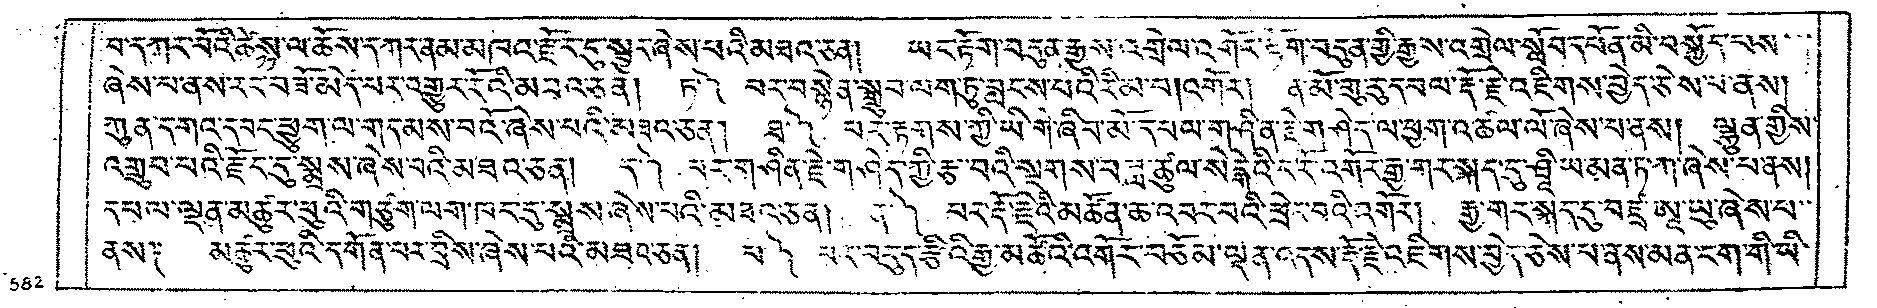པ་དཀར་པོའི་ཚེས ༡༡་ལ་ཆོས་དཀར་ནམ་མཁའ་རྫོང་དུ་སྦྱར་ཞེས་པའི་མཐའ་ཅན། ཡང་རྟོག་བདུན་རྒྱས་འགྲེལ་འགོར་རྟོག་བདུན་གྱི་རྒྱས་འགྲེལ་སློབ་དཔོན་མི་བསྐྱོད་པས་
ཞེས་པ་ནས་རང་བཟོ་མེད་པར་འགྱུར་རོའི་མཐའ་ཅན། ཏ྄་པར་བསྙེན་སྒྲུབ་ལག་ཏུ་བླངས་པའི་རིམ་པ། འགོར། ན་མོ་གུ་རུ་དཔལ་རྡོ་རྗེ་འཇིགས་བྱེད་ཅེས་པ་ནས།
ཀུན་དགའ་དབང་ཕྱུག་ལ་གདམས་པའོ་ཞེས་པའི་མཐའ་ཅན། ཐ྄་པར་རྟགས་ཀྱི་ཡི་གེ་ཞིབ་མོ་དཔལ་གཤིན་རྗེ་གཤེད་ལ་ཕྱག་འཚལ་ལོ་ཞེས་པ་ནས། ལྷུན་གྱིས་
འགྲུབ་པའི་རྫོང་དུ་སྨྲས་ཞེས་པའི་མཐའ་ཅན། ད྄་པར་གཤིན་རྗེ་གཤེད་ཀྱི་རྩ་བའི་སྔགས་བཟླ་ཚུལ་སེངྒེའི་ང་རོ་འགོར་རྒྱ་གར་སྐད་དུ་ཤྲཱི་ཡ་མན་ཏ་ཀ་ཞེས་པ་ནས།
དཔལ་ལྡན་མཚུར་ཕུའི་གཙུག་ལག་ཁང་དུ་སྨྲས་ཞེས་པའི་མཐའ་ཅན། ན྄་པར་རྡོ་རྗེའི་མཚོན་ཆ་འབར་བའི་ཕྲེང་བའི་འགོར། རྒྱ་གར་སྐད་དུ་བཛྲ་ཨཱ་ཡུ་ཞེས་པ་
ནས༑ མཚུར་ཕུའི་དགོན་པར་བྲིས་ཞེས་པའི་མཐའ་ཅན། པ྄་བར་བདུད་རྩིའི་རྒྱ་མཚོའི་འགོར་བཅོམ་ལྡན་འདས་རྡོ་རྗེ་འཇིགས་བྱེད་ཅེས་པ་ནས་མན་ངག་གི་ཡི་